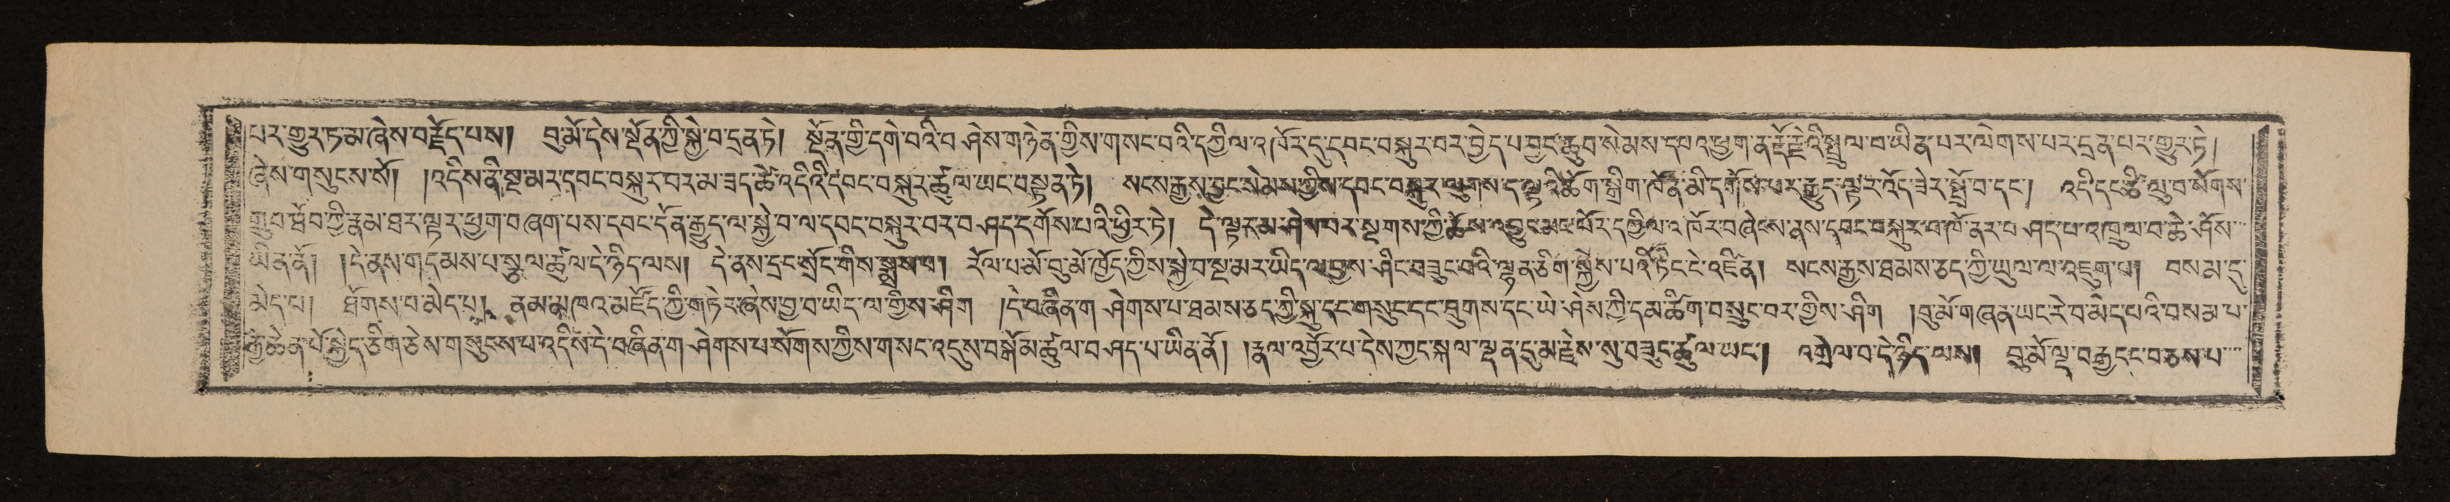པར་གྱུར་ཏམ་ཞེས་བརྗོད་པས། བུ་མོ་དེས་སྔོན་གྱི་སྐྱེ་བ་དྲན་ཏེ། སྔོན་གྱི་དགེ་བའི་བཤེས་གཉེན་གྱིས་གསང་བའི་དཀྱིལ་འཁོར་དུ་དབང་བསྐུར་བར་བྱེད་པ་བྱང་ཆུབ་སེམས་དཔའ་ཕྱག་ན་རྡོ་རྗེའི་སྤྲུལ་པ་ཡིན་པར་ལེགས་པར་དྲན་པར་གྱུར་ཏེ།
ཞེས་གསུངས་སོ། །འདིས་ནི་སྔ་མར་དབང་བསྐུར་བར་མ་ཟད་ཚེ་འདིའི་དབང་བསྐུར་ཚུལ་ཡང་བསྟན་ཏེ། སངས་རྒྱས་བྱང་སེམས་ཀྱིས་དབང་བསྐུར་ལུགས་ད་ལྟའི་ཆོག་སྒྲིག་ཁོ་ན་མི་དགོས་པར་རྒྱུད་ལྟར་འོད་ཟེར་སྤྲོ་བ་དང་། འདི་དང་ཅི་ལུ་བ་སོགས་
གྲུབ་ཐོབ་ཀྱི་རྣམ་ཐར་ལྟར་ཕྱག་བཞག་པས་དབང་དོན་རྒྱུད་ལ་སྐྱེ་བ་ལ་དབང་བསྐུར་བར་བཤད་དགོས་པའི་ཕྱིར་ཏེ། དེ་ལྟར་མ་ཤེས་པར་སྔགས་ཀྱི་ཆོས་འབྱུང་མང་པོར་དཀྱིལ་འཁོར་བཞེངས་ནས་དབང་བསྐུར་བ་ཁོ་ནར་བཤད་པ་འཁྲུལ་བ་ཆེ་ཤོས་
ཡིན་ནོ། །དེ་ནས་གདམས་པ་སྩལ་ཚུལ་དེ་ཉིད་ལས། དེ་ནས་དྲང་སྲོང་གིས་སྨྲས་པ། རོལ་པ་མོ་བུ་མོ་ཁྱོད་ཀྱིས་སྐྱེ་བ་སྔ་མར་ཡིད་ལ་བྱས་ཤིང་བཟུང་བའི་ལྷན་ཅིག་སྐྱེས་པའི་ཏིང་ངེ་འཛིན། སངས་རྒྱས་ཐམས་ཅད་ཀྱི་ཡུལ་ལ་འཇུག་པ། བསམ་དུ་
མེད་པ། ཐོགས་པ་མེད་པ། ནམ་མཁའ་མཛོད་ཀྱི་གཏེར་ཞེས་བྱ་བ་ཡིད་ལ་གྱིས་ཤིག །དེ་བཞིན་གཤེགས་པ་ཐམས་ཅད་ཀྱི་སྐུ་དང་གསུང་དང་ཐུགས་དང་ཡེ་ཤེས་ཀྱི་དམ་ཚིག་བསྲུང་བར་གྱིས་ཤིག །བུ་མོ་གཞན་ཡང་རེ་བ་མེད་པའི་བསམ་པ་
རྒྱ་ཆེན་པོ་སྐྱེད་ཅིག་ཅེས་གསུངས་པ་འདིས་དེ་བཞིན་གཤེགས་པ་སོགས་ཀྱིས་གསང་འདུས་བསྒོམ་ཚུལ་བཤད་པ་ཡིན་ནོ། །རྣལ་འབྱོར་པ་དེས་ཀྱང་སྐལ་ལྡན་དུ་མ་རྗེས་སུ་བཟུང་ཚུལ་ཡང་། འགྲེལ་པ་དེ་ཉིད་ལས། བུ་མོ་ལྔ་བརྒྱ་དང་བཅས་པ་